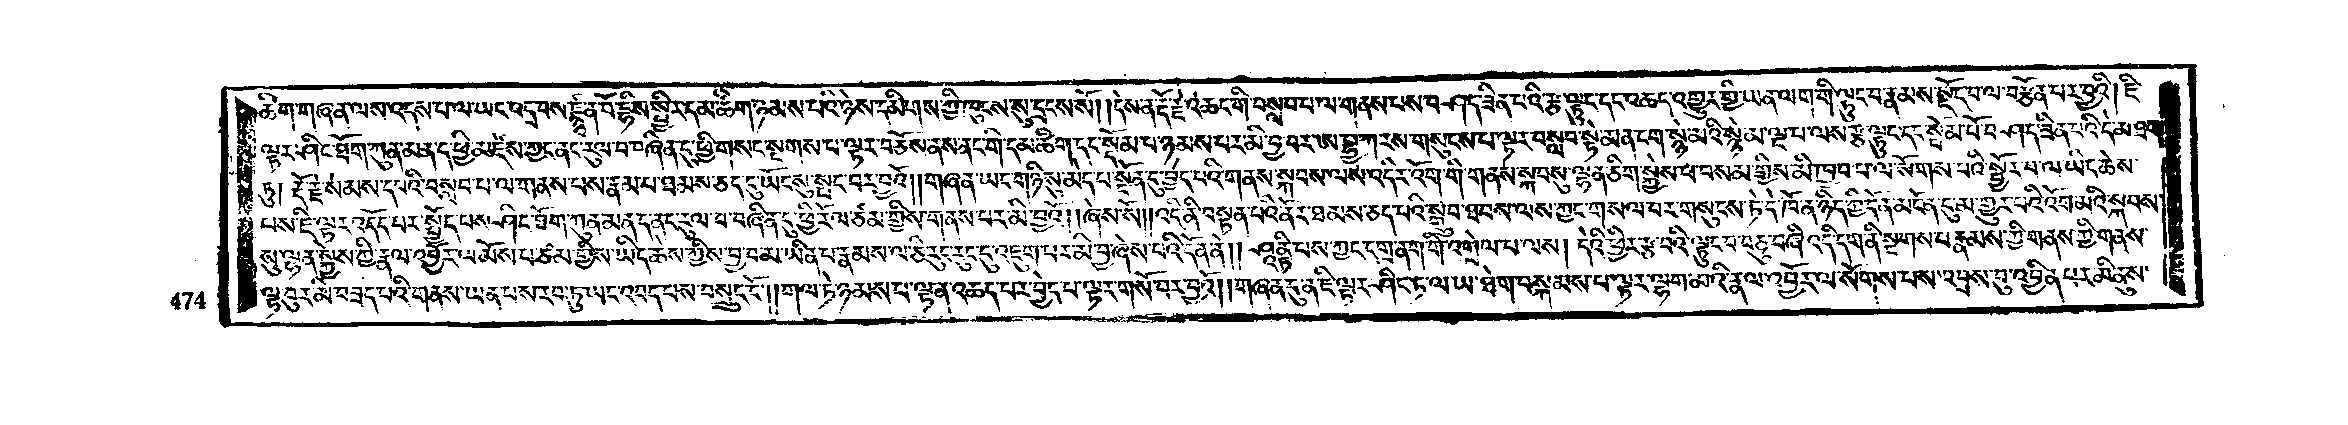ཚིག་གཞན་ལས་འདས་པ་ལ་ཡང་འདྲ་བས་ཛྙཱ་ན་བོ་དྷིས་སྤྱིར་དམ་ཚིག་ཉམས་པའི་ཉེས་དམིགས་ཀྱི་ཁུངས་སུ་དྲངས་སོ། །དེས་ན་རྡོ་རྗེ་འཆང་གི་བསླབ་པ་ལ་གནས་པས་བཤད་ཟིན་པའི་རྩ་ལྟུང་དང་འཆད་འགྱུར་གྱི་ཡན་ལག་གི་ལྟུང་བ་རྣམས་སྡོད་པ་ལ་བརྩོན་པར་བྱའི། ཇི་
ལྟར་ཤིང་ཐོག་ཀུན་མན་ད་ཕྱི་མཛེས་ཀྱང་ནང་རུལ་བ་བཞིན་དུ་ཕྱི་གསང་སྔགས་པ་ལྟར་བཅོས་ནས་ནང་གི་དམ་ཚིག་དང་སྡོམ་པ་ཉམས་པར་མི་བྱ་བར་ཨ་བྷྱ་ཀ་རས་གསུངས་པ་ལྟར་བསླབ་སྟེ་མན་ངག་སྙེ་མའི་སྙེ་མ་ལྔ་པ་ལས་རྩ་ལྟུང་དང་སྤོམ་པོ་བཤད་ཟིན་པའི་དེ་མ་ཐག་
ཏུ། རྡོ་རྗེ་སེམས་དཔའི་བསླབ་པ་ལ་གནས་པས་རྣམ་པ་ཐམས་ཅད་དུ་ཡོངས་སུ་སྤང་བར་བྱའོ། །གཞན་ཡང་གཉིས་སུ་མེད་པ་སྔོན་དུ་བྱེད་པའི་གནས་སྐབས་ལས་འདིར་འོག་གི་གནས་སྐབས་སུ་ལྷན་ཅིག་སྐྱེས་ཕ་བསམ་གྱིས་མི་ཁྱབ་པ་ལ་སོགས་པའི་སྦྱོར་པ་ལ་ཡིད་ཆེས་
པས་ཇི་ལྟར་འདོད་པར་སྤྱོད་པས་ཤིང་ཐོག་ཀུན་མན་ད་ནང་རུལ་པ་བཞིན་དུ་ཕྱི་རོལ་ཙམ་གྱིས་གནས་པར་མི་བྱའོ། །ཞེས་སོ། །འདི་ནི་བསྟན་པའི་ནོར་ཐམས་ཅད་པའི་སྒྲུབ་ཐབས་ལས་ཀྱང་གསལ་བར་གསུངས་ཏེ་དེ་ཁོ་ན་ཉིད་ཀྱི་དོན་མངོན་དུ་མ་གྱུར་པའི་འོག་མའི་སྐབས་
སུ་ལྷན་སྐྱེས་ཀྱི་རྣལ་འབྱོར་ལ་མོས་པ་ཙམ་གྱིས་ཡིད་ཆེས་ཀྱིས་བྱ་བ་མ་ཡིན་པ་རྣམས་ལ་ཅི་རུང་རུང་དུ་འཇུག་པར་མི་བྱ་ཞེས་པའི་དོན་ནེ། །ཤཱནྟི་པས་ཀྱང་དགྲ་ནག་གི་འགྲེལ་པ་ལས། དེའི་ཕྱིར་རྩ་བའི་ལྟུང་བ་བཅུ་བཞི་འདི་དག་ནི་སྔགས་པ་རྣམས་ཀྱི་གནས་ཀྱི་གནས་
ལྟ་བུར་མི་བཟད་པའི་གནས་ཡན་པས་རབ་ཏུ་ཡང་འབད་པས་བསྲུང་ངོ། །གལ་ཏེ་ཉམས་པ་ལྟ་ན་འཆད་པར་བྱེད་པ་ལྟར་གསོ་བར་བྱའོ། །གཞན་དུ་ན་ཇི་ལྟར་ཤིང་ཏ་ལ་ཡ་ཐེག་བསྐམས་པ་ལྟར་ལྷག་མའི་རྣལ་འབྱོར་ལ་སོགས་པས་འབྲས་བུ་འབྱིན་པར་མི་ནུས་